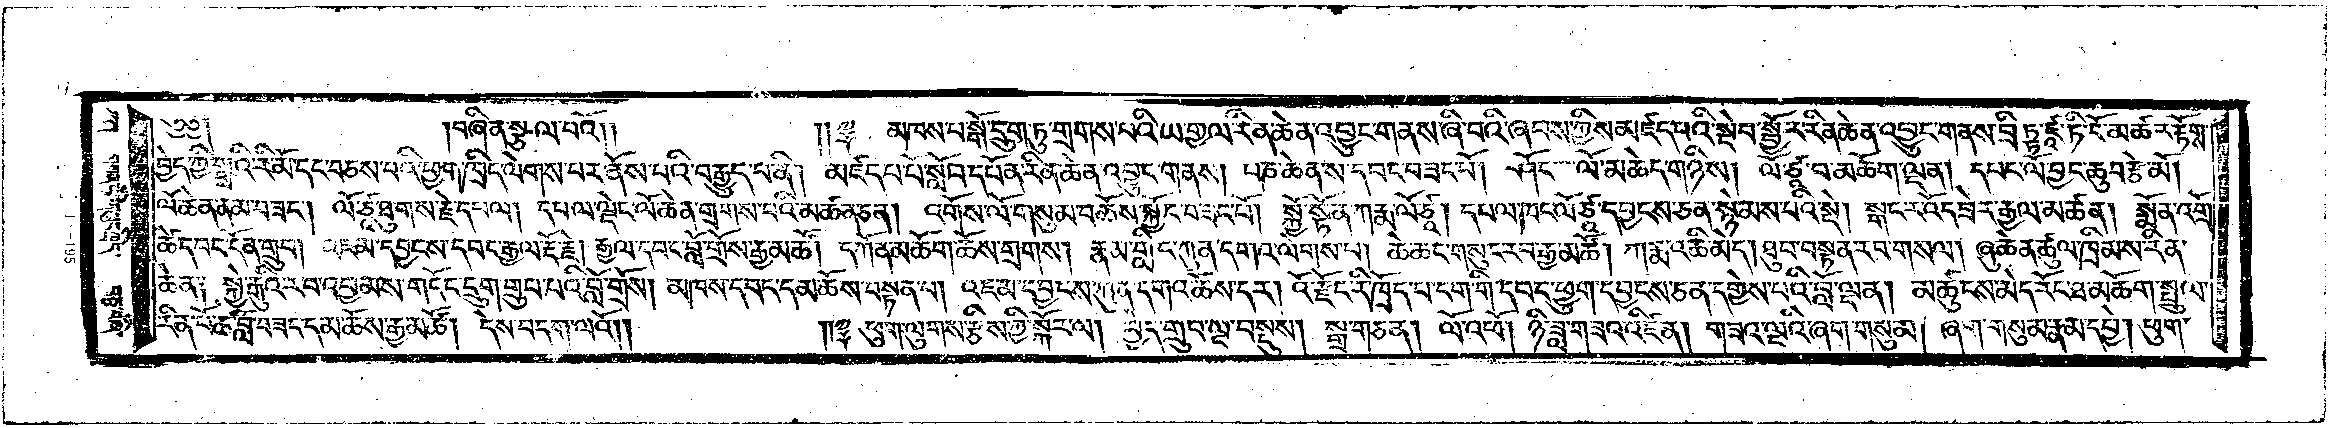༄༅། །བཞིན་སྩལ་བའོ།། །། ༈ མཁས་པ་སྒོ་དྲུག་ཏུ་གྲགས་པའི་ཡ་གྱལ་རིན་ཆེན་འབྱུང་གནས་ཞི་བའི་ཞབས་ཀྱིས་མཛད་པའི་སྡེབ་སྦྱོར་རིན་ཆེན་འབྱུང་གནས་བྲིཏྟ་ཛཱ་ཏི་ངོ་མཚར་རྟོགས་
བྱེད་ཀྱི་སྒྲའི་རི་མོ་དང་བཅས་པའི་ཕྱག་ཁྲིད་ལེགས་པར་ནོས་པའི་བརྒྱུད་པ་ནི། མཛད་པ་པོ་སློབ་དཔོན་རིན་ཆེན་འབྱུང་གནས། པཎ་ཆེན་ས་དབང་བཟང་པོ། ཤོང་ལོ་མཆེད་གཉིས། ལོ་ཙཱ་བ་མཆོག་ལྡན། དཔང་ལོ་བྱང་ཆུབ་བརྩེ་མོ།
ལོ་ཆེན་ནམ་བཟང་། ལོ་ཙཱ་ཐུགས་རྗེ་དཔལ། དཔལ་ལྡེང་ལོ་ཆེན་གྲགས་པའི་མཚན་ཅན། འགོས་ལོ་གསུམ་བ་ཆོས་སྐྱོང་བཟང་པོ། སྐྱོ་སྟོན་ཀརྨ་ལོཙཱ། དཔལ་ཁང་ལོ་ཙཱ་དབྱངས་ཅན་སྙེམས་པའི་སྡེ། སྒང་ར་འོད་ཟེར་རྒྱལ་མཚན། སྨོན་འགྲོ་
ཚེ་དབང་དོན་གྲུབ། འཇམ་དབྱངས་དབང་རྒྱལ་རྡོ་རྗེ། རྒྱལ་དབང་བློ་གྲོས་རྒྱ་མཚོ། དཀོན་མཆོག་ཆོས་གྲགས། རྣམ་གླིང་ཀུན་དགའ་ལེགས་པ། ཆེ་ཆང་གསུང་རབ་རྒྱ་མཚོ། ཀརྨ་འཆི་མེད། ཐུབ་བསྟན་རབ་གསལ། ཞུ་ཆེན་ཚུལ་ཁྲིམས་རིན་
ཆེན༑ སྐྱེ་རྒུའི་རབ་འབྱམས་གདོང་དྲུག་གྲུབ་པའི་བློ་གྲོས། མཁས་དབང་དམ་ཆོས་བསྟན་པ། འཇམ་དབྱངས་ཀུན་དགའ་ཆོས་དར། འོ་རྫོང་རི་ཁྲོད་པ་ངག་གི་དབང་ཕྱུག་དབྱངས་ཅན་དགྱེས་པའི་བློ་ལྡན། མཚུངས་མེད་རོང་ཐ་མཆོག་སྤྲུལ་
རིན་པོ་ཆེ་བློ་བཟང་དམ་ཆོས་རྒྱ་མཚོ། དེས་བདག་ལའོ།། །། ༈ ཕུག་ལུགས་རྩིས་ཀྱི་སྐོར་ལ། བྱེད་གྲུབ་ལྔ་བསྡུས། སྒྲ་གཅན། ལོ་འཕོ། ཉི་ཟླ་གཟའ་འཛིན། གཟའ་ལྔའི་ཞག་གསུམ། ཞག་གསུམ་རྣམ་དབྱེ། ཕུག་